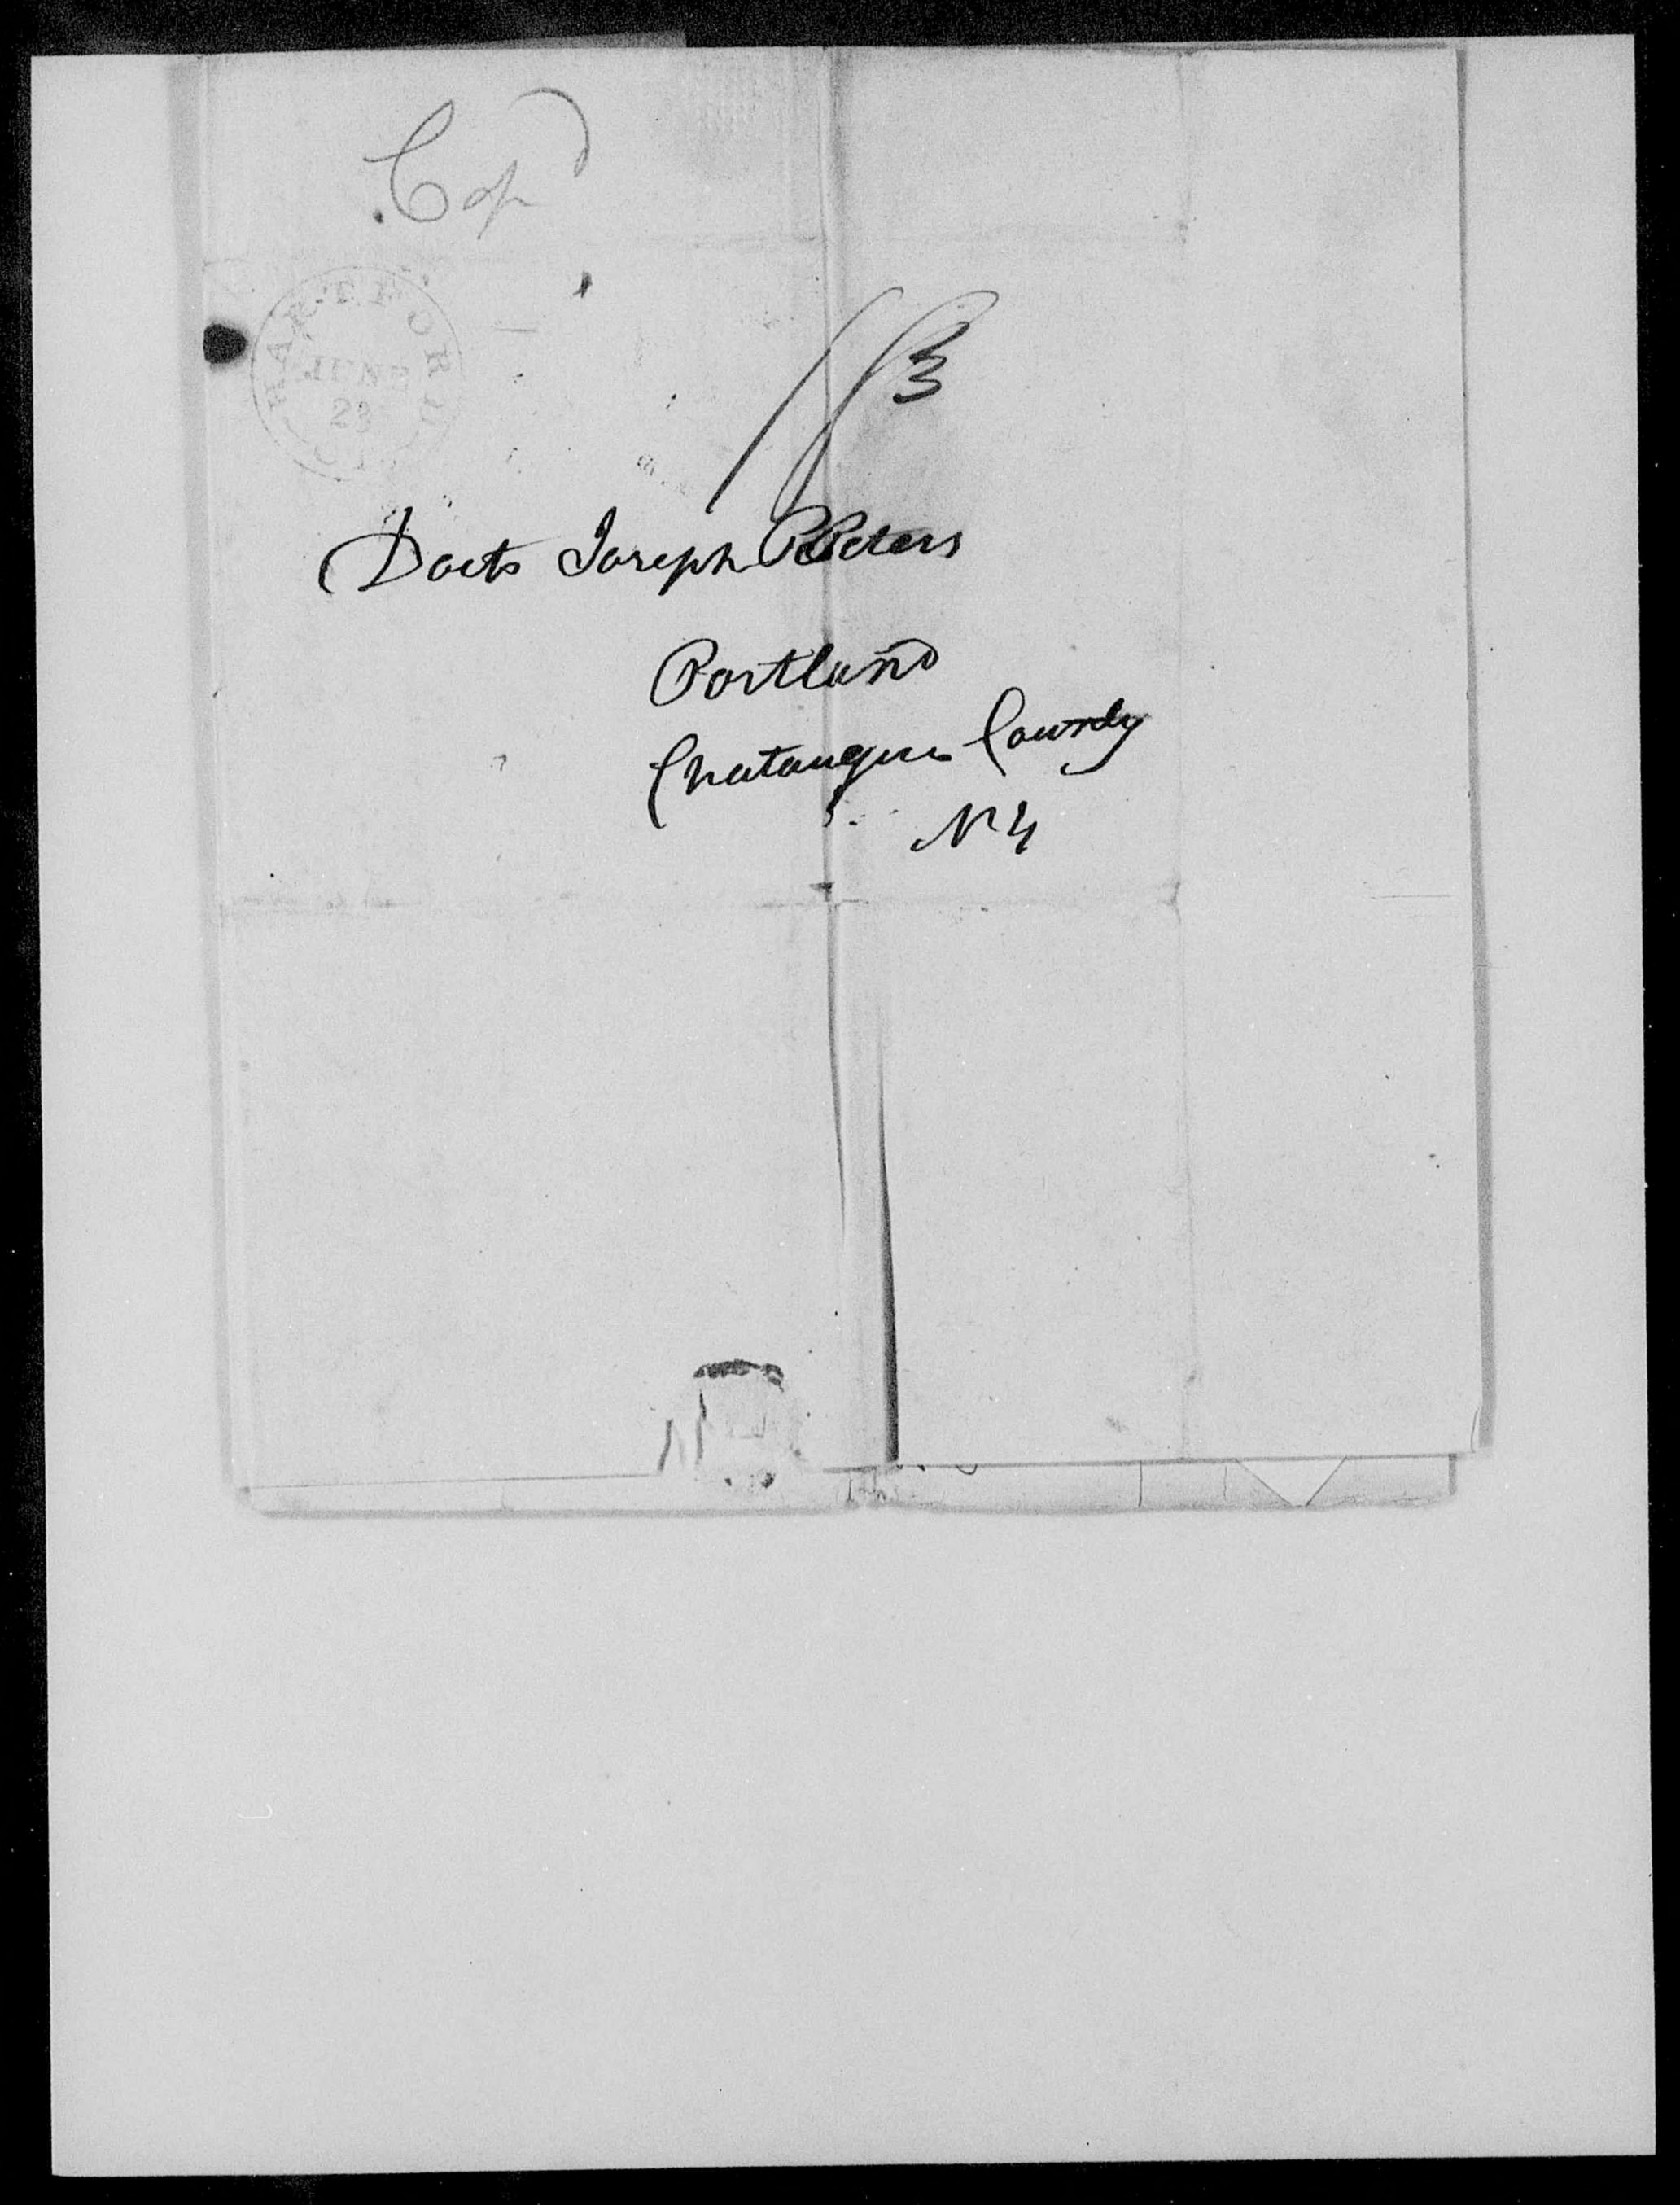[stamp] HARTFORD CT JUNE 23
Doct Joseph Peters Portland Chautauqua County NY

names: Joseph P Peters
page: 39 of 73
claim: widow's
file: W. 2338, for Joseph P Peters, Connecticut